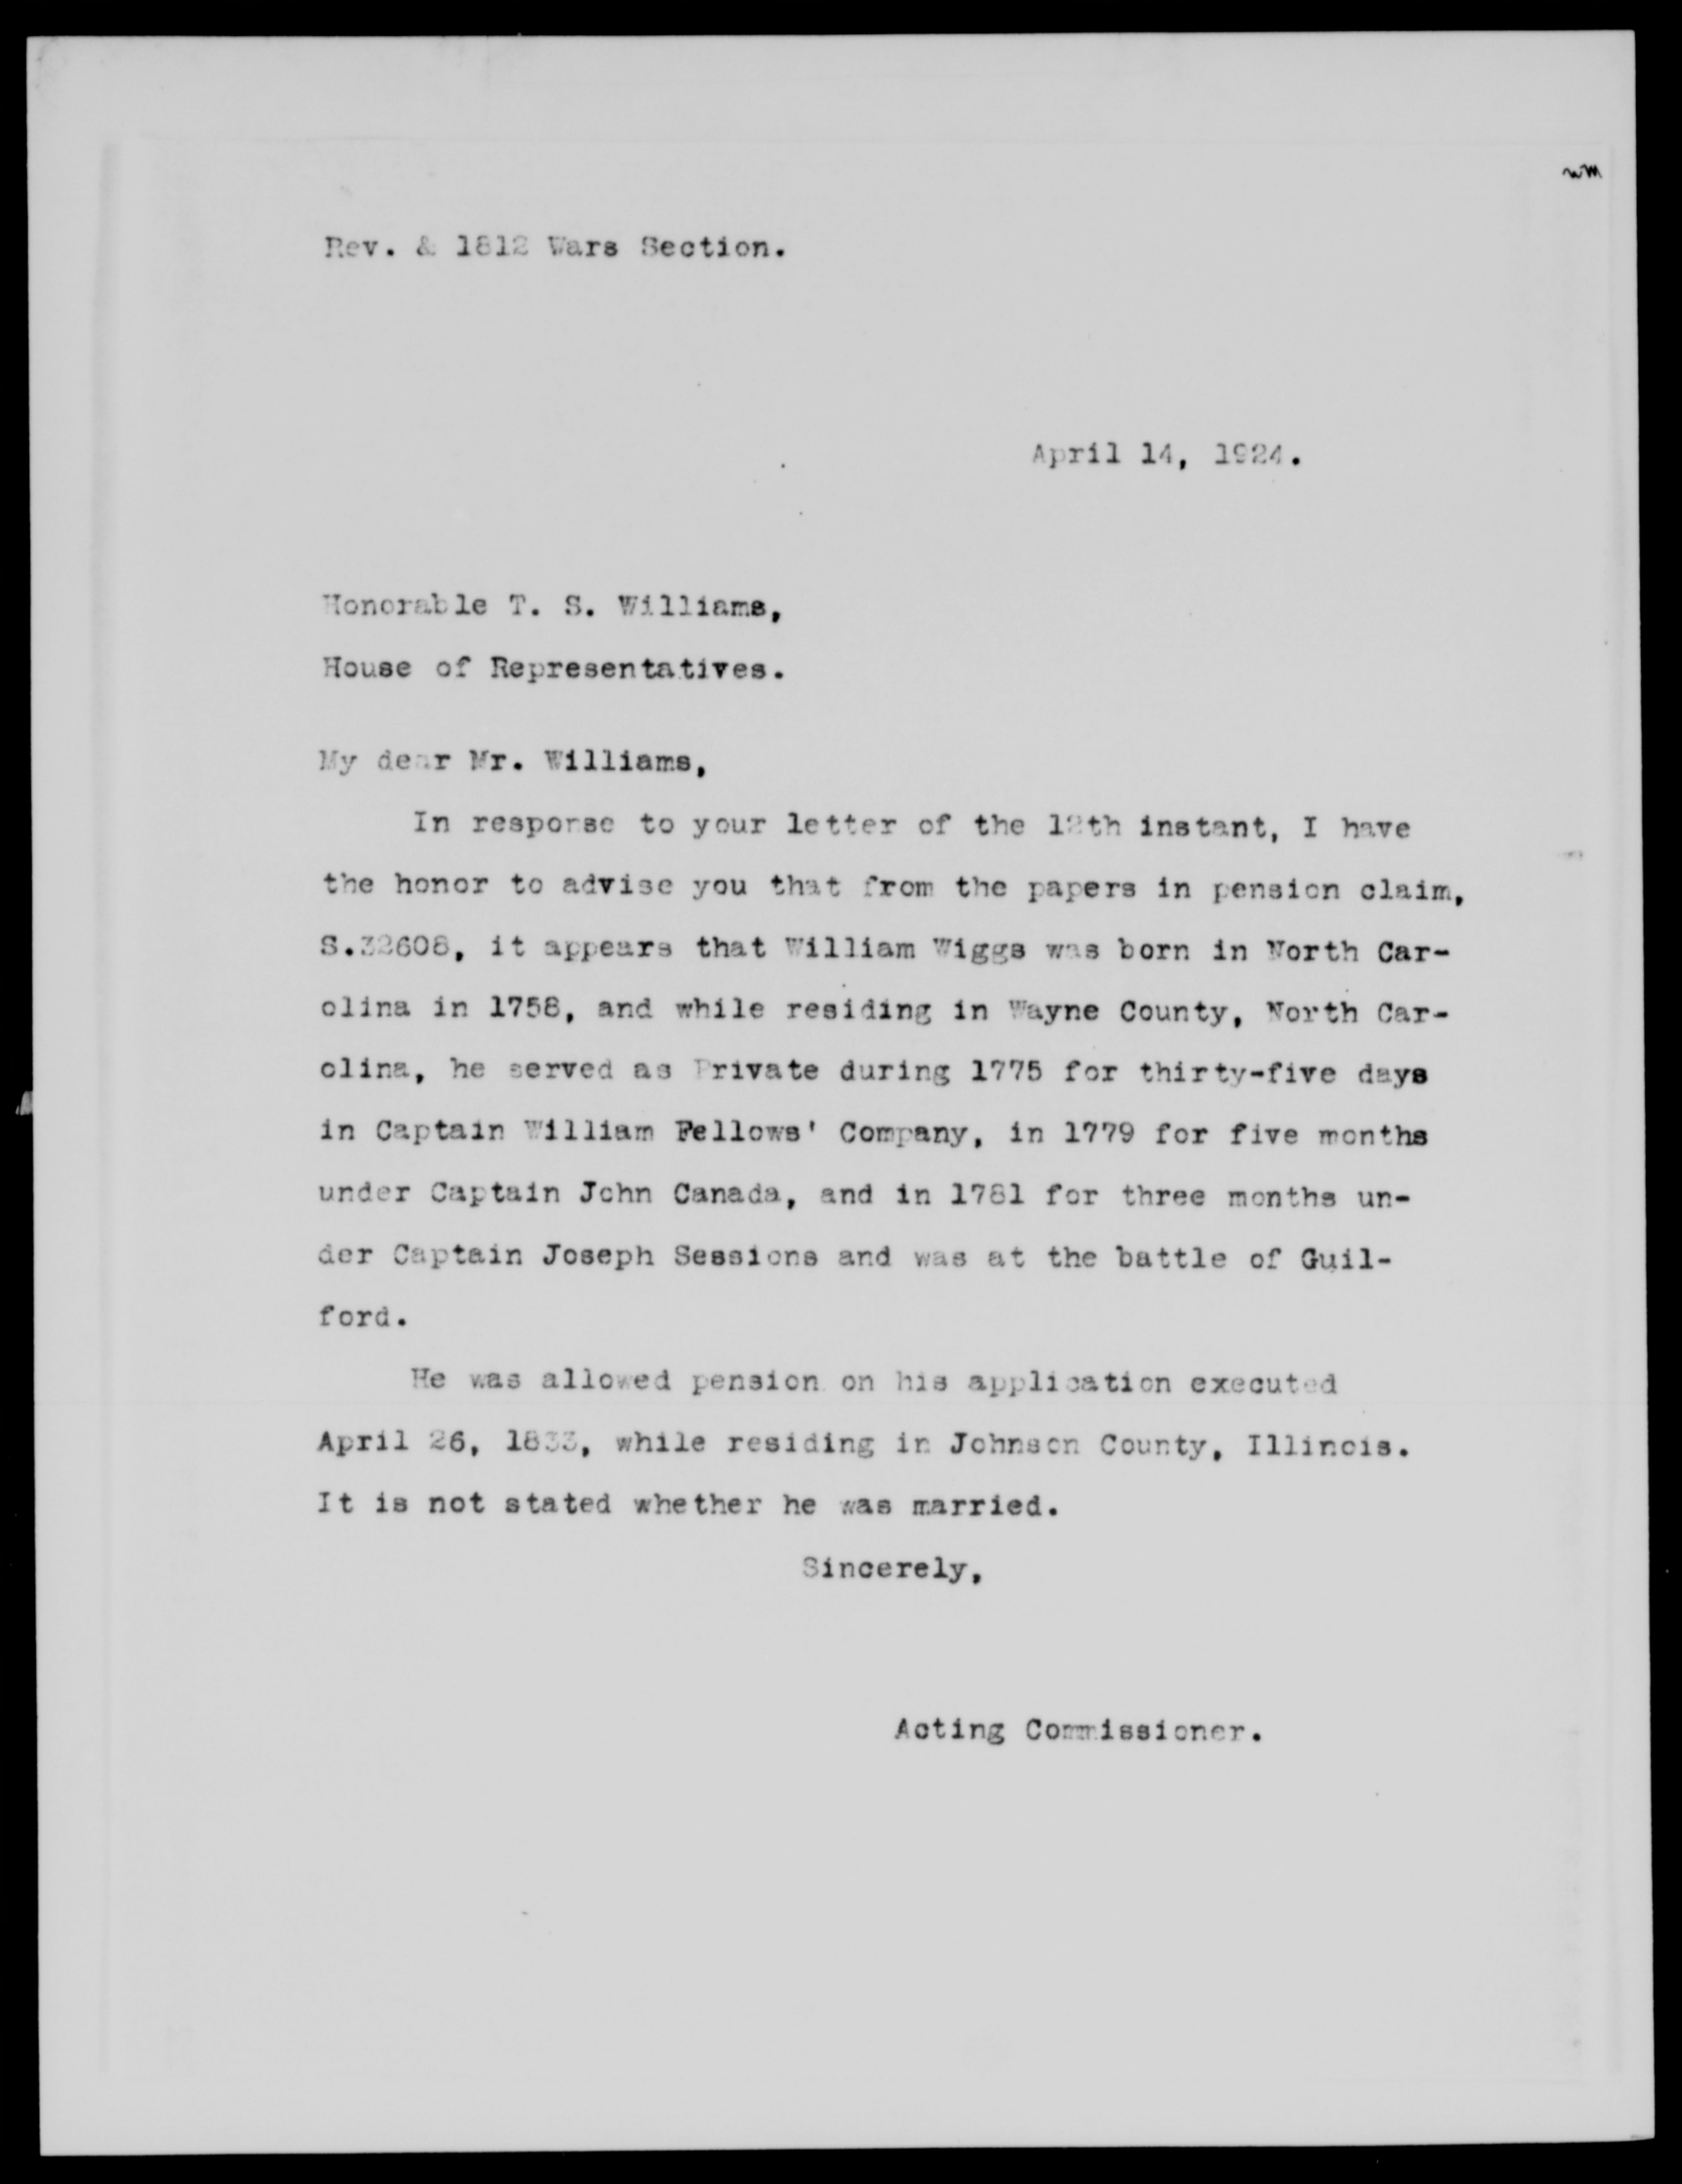Rev. & 1812 Wars Section.

April 14, 1924.

Honorable T. S. Williams,
House of Representatives.

My dear Mr. Williams,

In response to your letter of the 12th instant, I have the honor to advise you that from the papers in pension claim, S.32608, it appears that William Wiggs was born in North Carolina in 1758, and while residing in Wayne County, North Carolina, he served as private during 1775 for thirty-five days
in Captain William Fellows' Company, in 1779 for five months under Captain John Canada, and in 1781 for three months under Captain Joseph Sessions and was at the battle of Guilford.

He was allowed pension on his application executed April 26, 1833, while residing in Johnson County, Illinois. It is not stated whether he was married.

Sincerely,
Acting Commissioner.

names: T S Williams, William Wiggs, John Canada, Joseph Sessions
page: 28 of 31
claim: survivor's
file: S. 32608, William Wiggs, N.C.